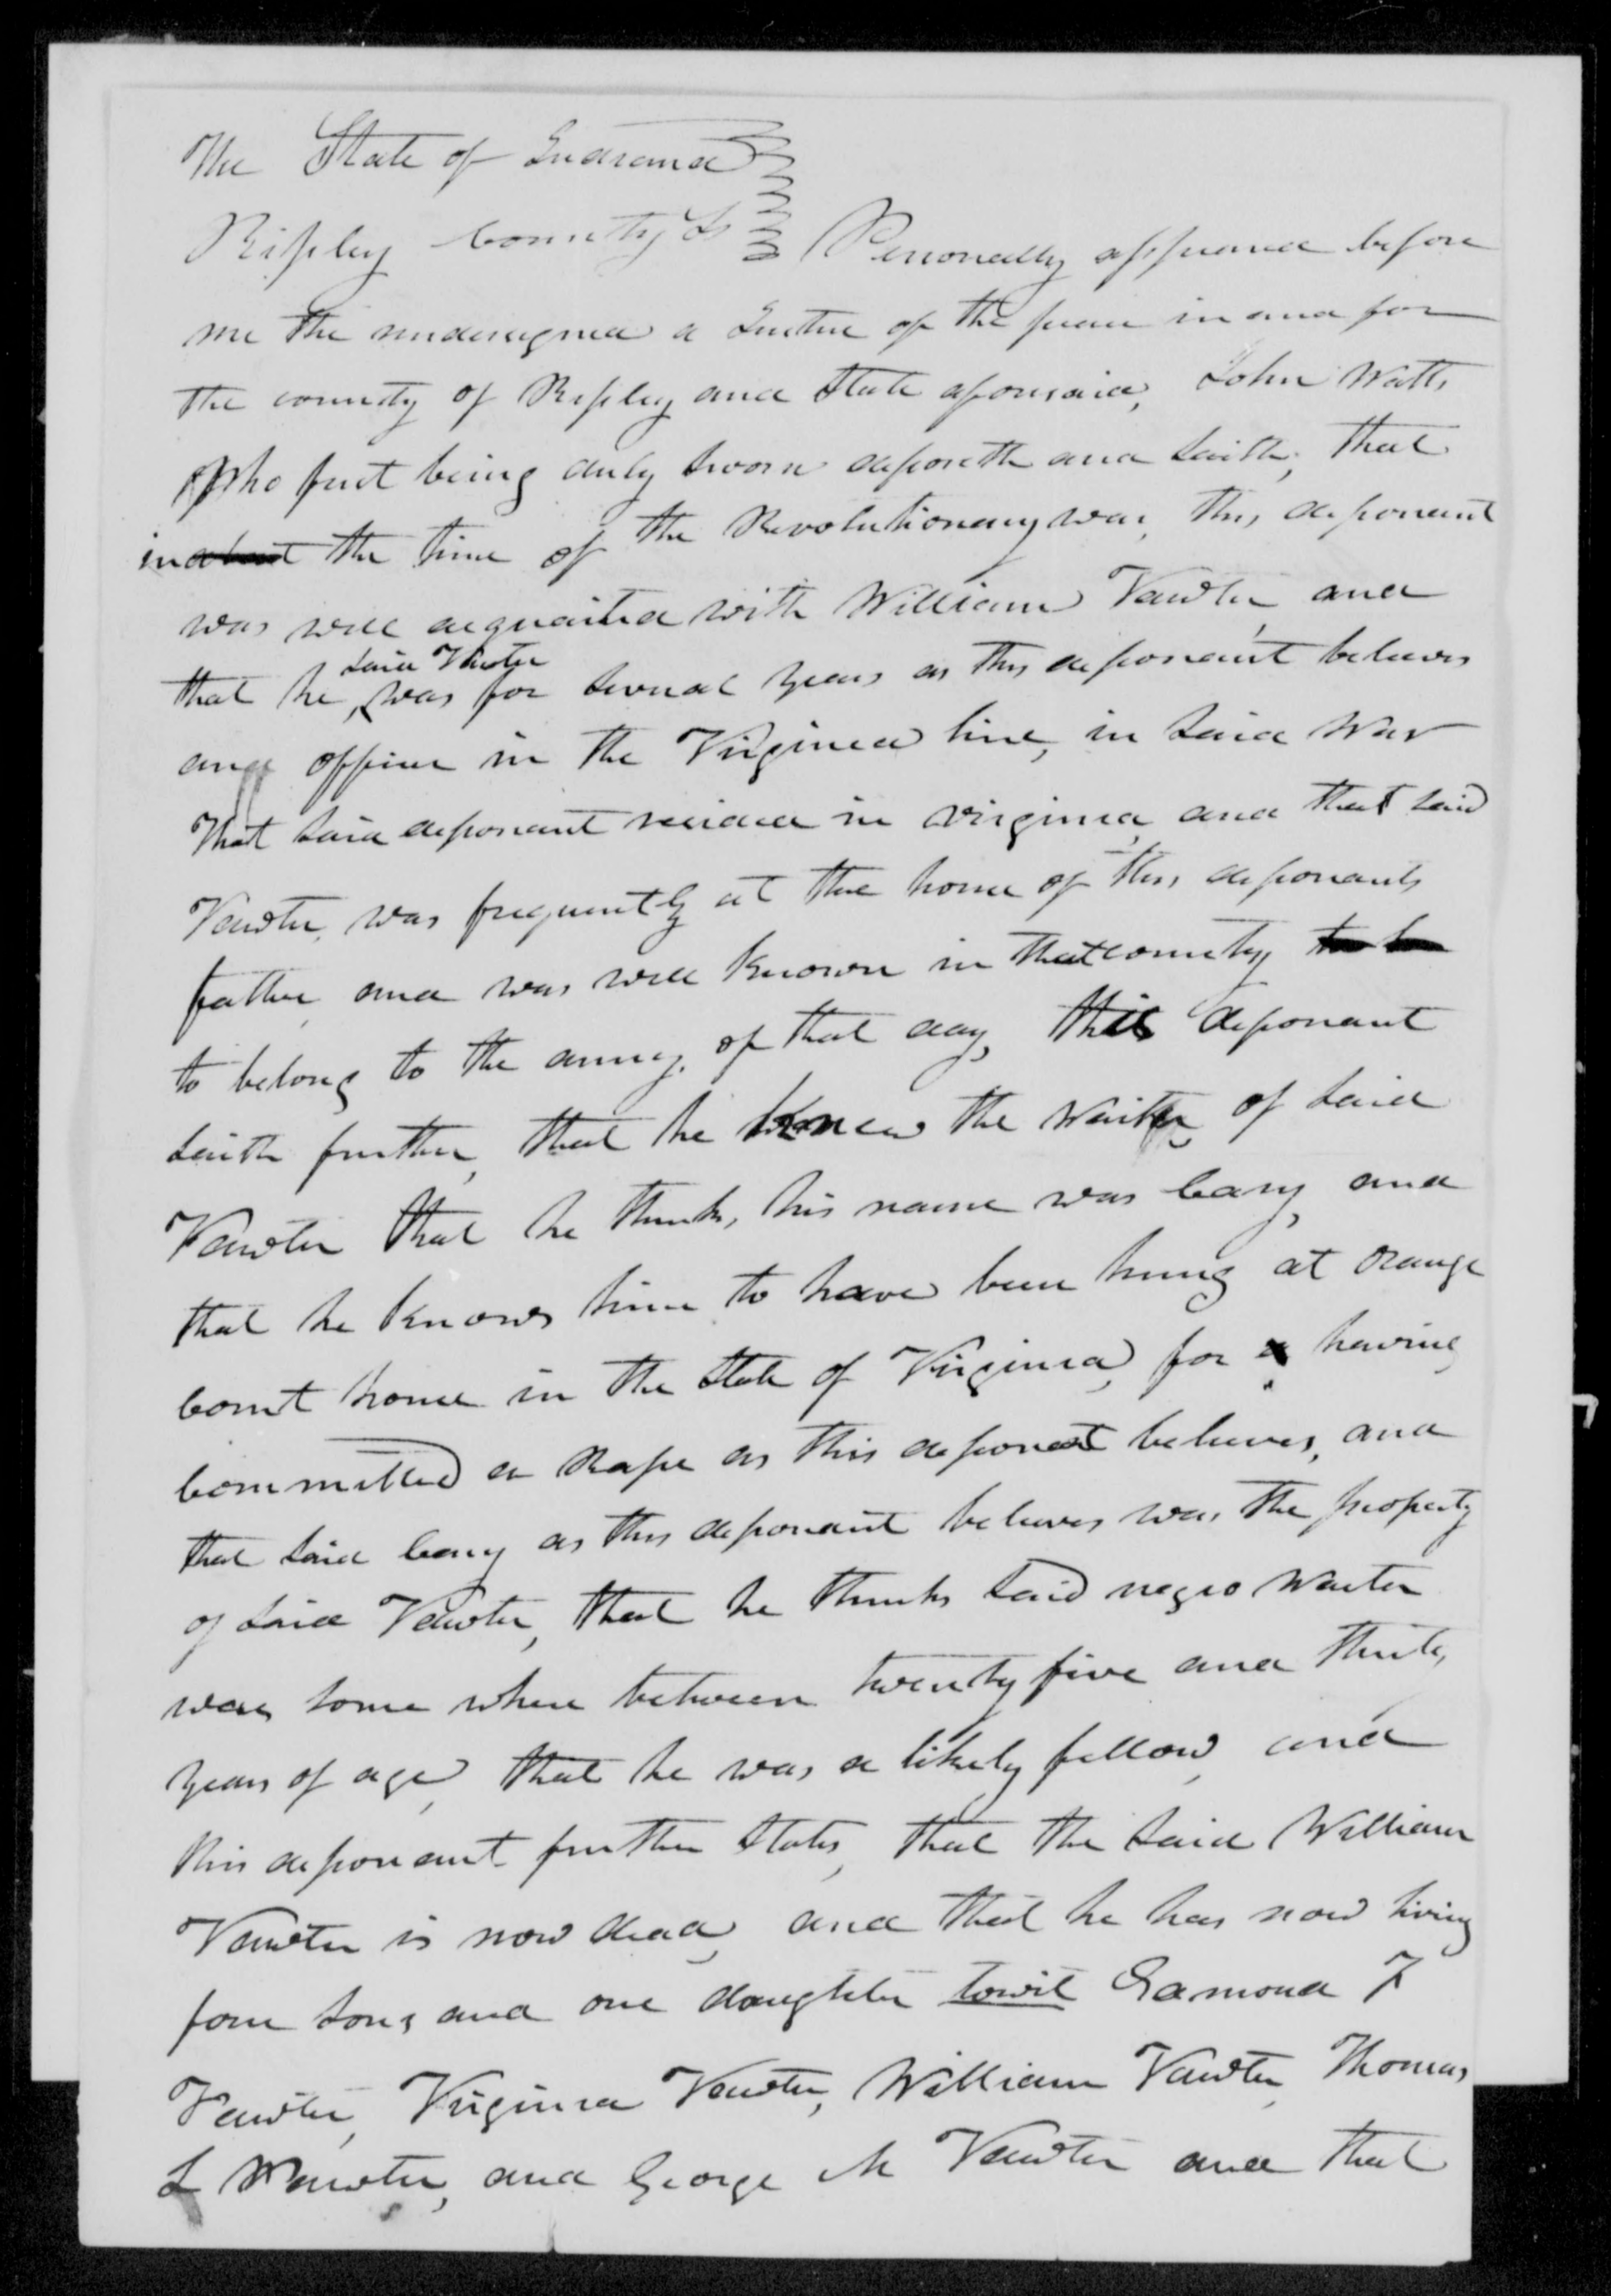The State of Indiana)
Ripley County)ss 
Personally appeared before
me the undersigned a Justice of the peace in and for
the County of Ripley and State aforesaid John Watts
who first being duly sworn deposeth and saith, that 
in the time of the Revolutionary war; this deponent
was well acquainted with William Vawter and
that the said Vawter was for several years as this deponent believes
an officer in the Virginia line, in said War
That said deponent resided in Virginia and that said
Vawter was frequently at the home of this deponents
father and was well known in that county
to belong to the army of that day, this deponant [deponent]
saith further, that he knew the waiter of said
Vawter that he think, his name was Gary and
that he know him to have been hung at Orange
Court house in the State of Virginia for having
committed a Rape as this deponent believes, and
the said Gary as this deponent believes was the property
of said Vawter, that he thinks said negro waiter
was some where between twenty five and thirty
years of age that he was a likely fellow and
this deponent further states, that the said William
Vawter is now dead, and that he has now living
four sons and one daughter towit Samona F
Vawter, Virginia Vawter, William Vawter, Thomas
L Vawter, and George M Vanter and that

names: William Vawter, Vawter, William Vawter, Cary, Thomas L Vawter, John Watts, William Vawter, Vawter, Vawter, George M Vawter, Cary, Virginia Vawter, Edmond F Vawter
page: 4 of 51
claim: rejected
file: R. 10,921, William Vawter, Va.